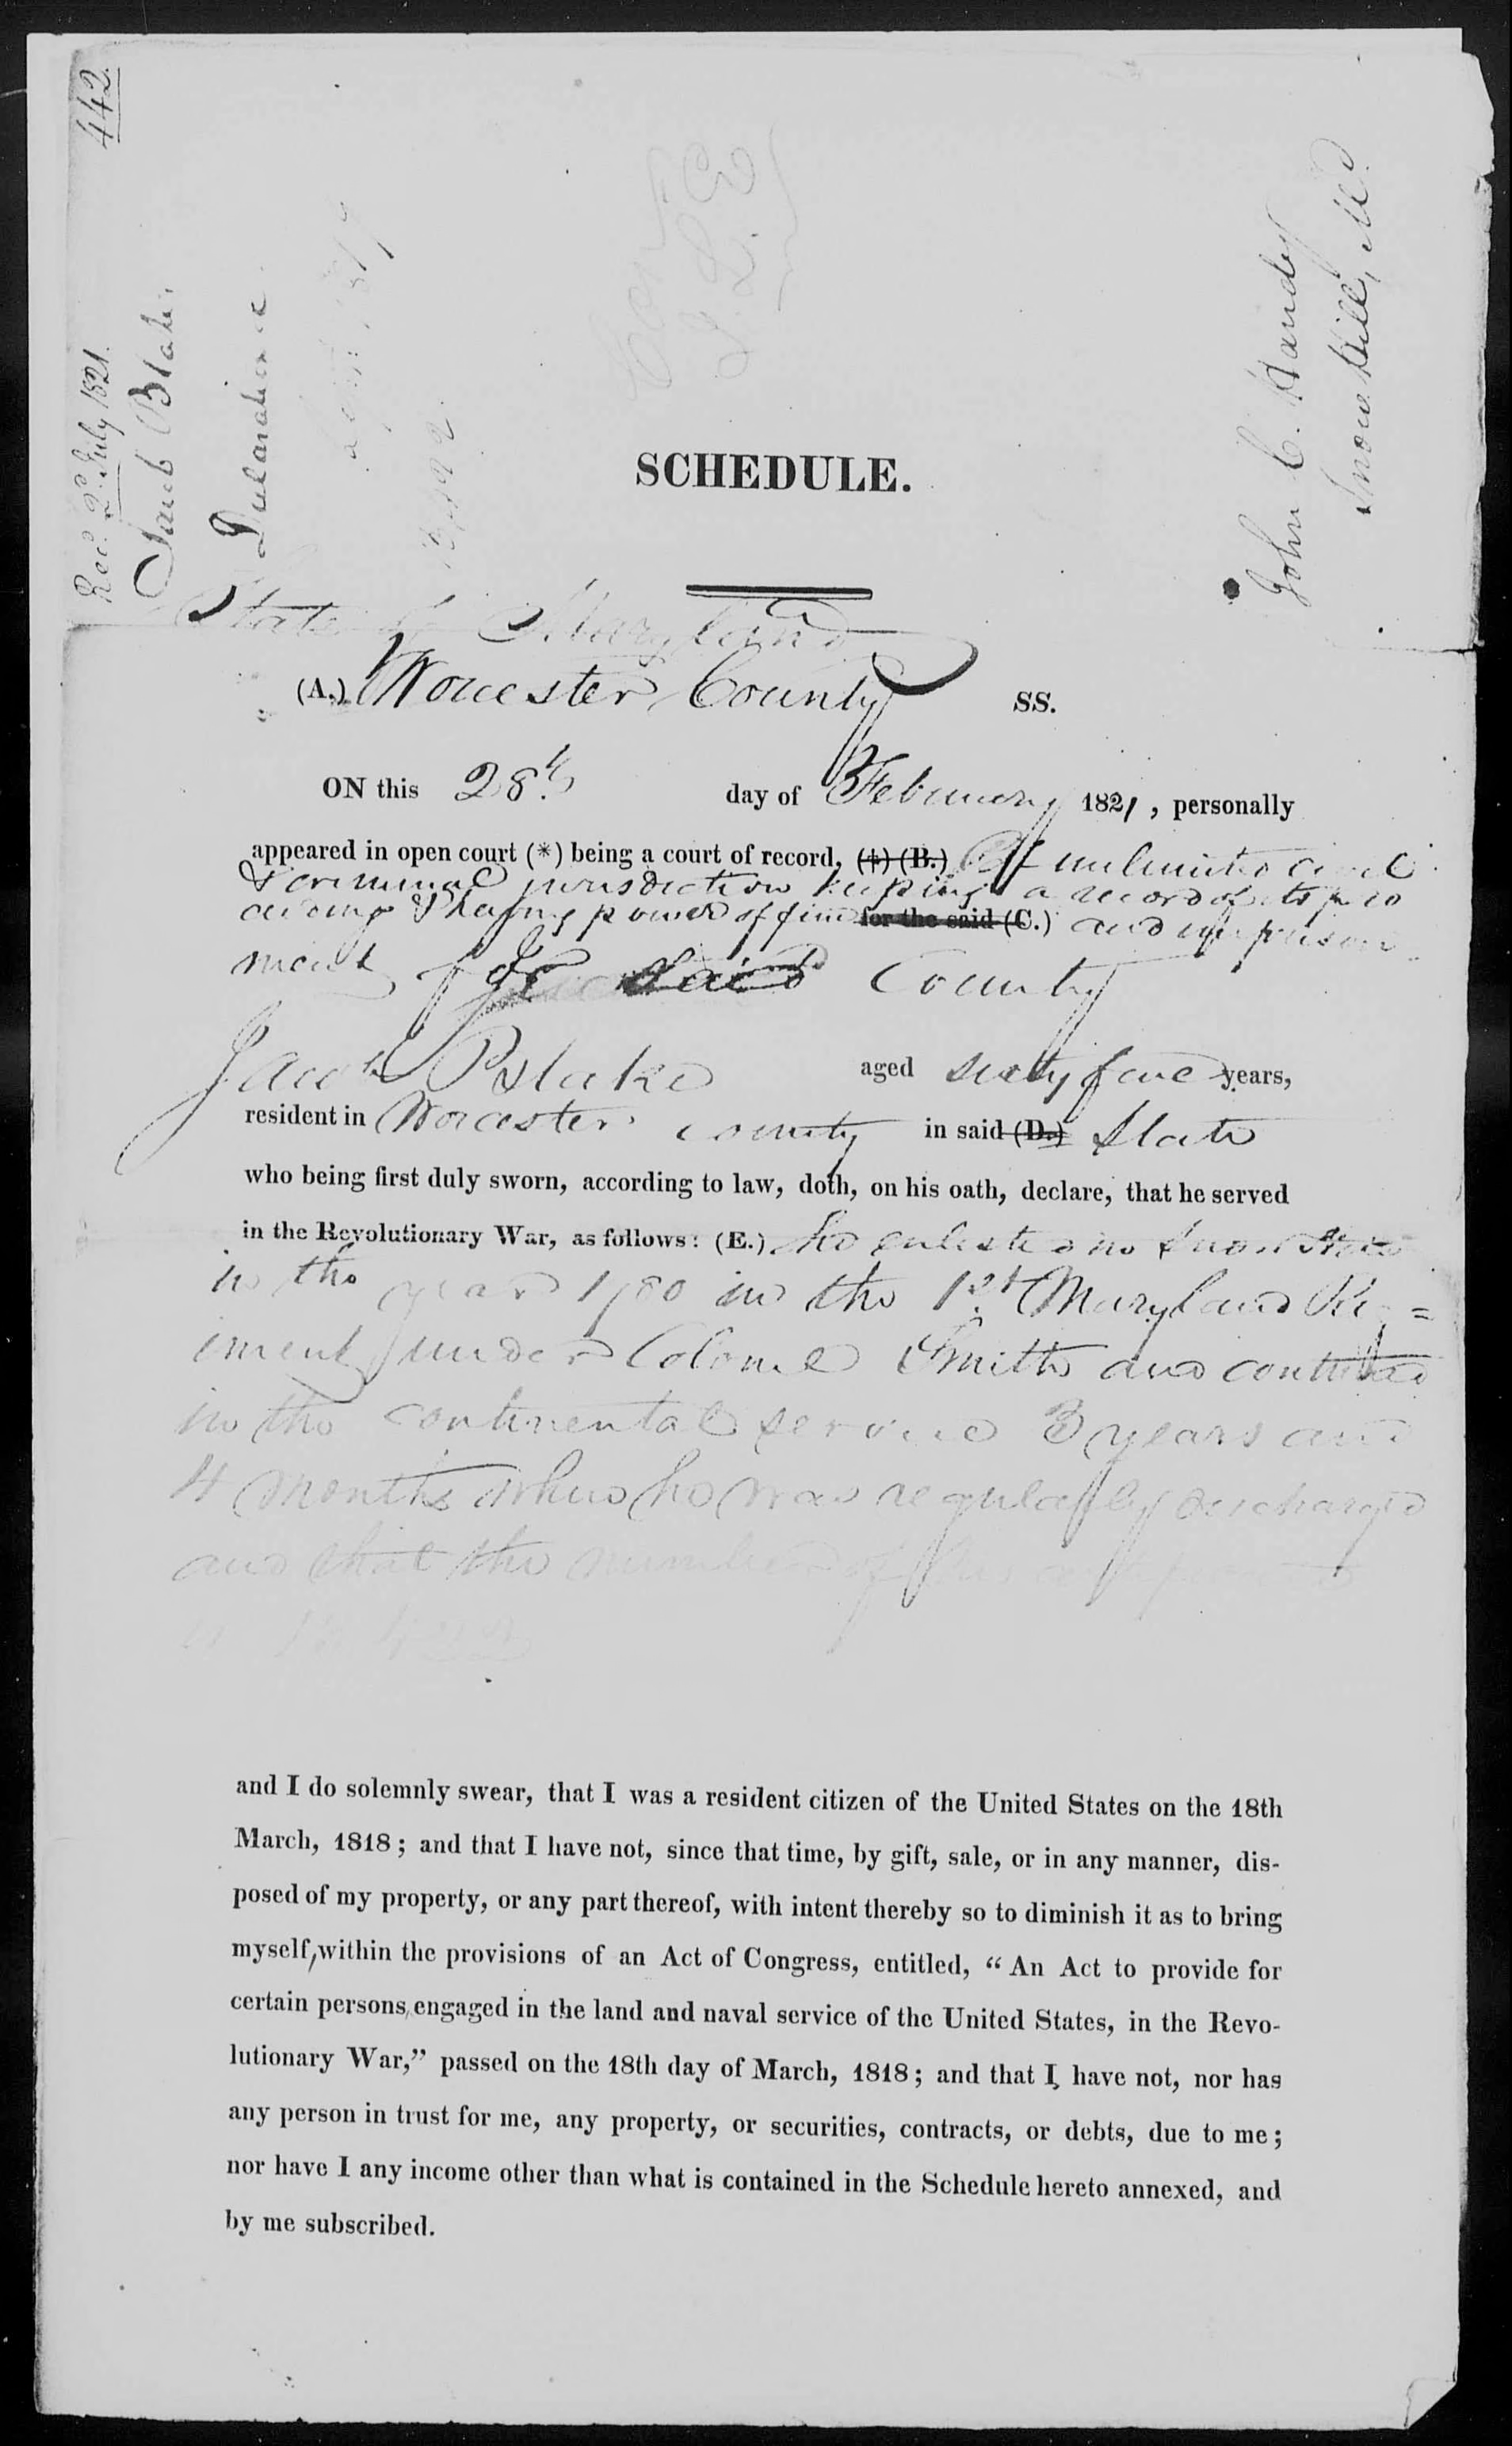Rec'd 2 July 1821

Number 442
Jacob lank
Declaration

John C Handy
Snow Hill, MD

SCHEDULE
State of Maryland
(A.) Worcester County SS.

On this 28th day of February 1821 personally appeared in open court (*) being a court of record [illegible] civil and criminal jurisdiction keeping a record of [illegible] and having power of fine and in person mouth of said county 
Jacob Blake aged sixty-five years resident in Worcester County in the state who being duly sworn according to law doth on his oath declare that he served in the Revolutionay War as follows: (E) He enlisted in Snow Hill in the year 1780 in the 1st Maryland Regiment under Colonel Smith and another in the continental service 3 years and 4 months when he was regularly discharged and that the number of (too light to read)

and I do solemnly swear that I was a resident citizen of the United States on the 18th March 1818 and that I have not since that time by gift sale or in any manner disposed of my property or any part thereof with intent thereby so to diminish it as to bring myself within the provisions of an Act of Congress entitle "An act to provide for certain persons engaged in the land and naval service of the United States in the Revolutionary War" passed on the 18th day of March 1818 andt hat I have not nor has any person in trust for me any property or securities contracts or debts due to me nor have I any income other than what is contained in the Schedule hereto annexed and by me subscribed.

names: Jacob C Handy, Smith, Jacob Blake, Jacob Blake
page: 9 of 18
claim: survivor's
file: S. 34654, Jacob Blake, Md.